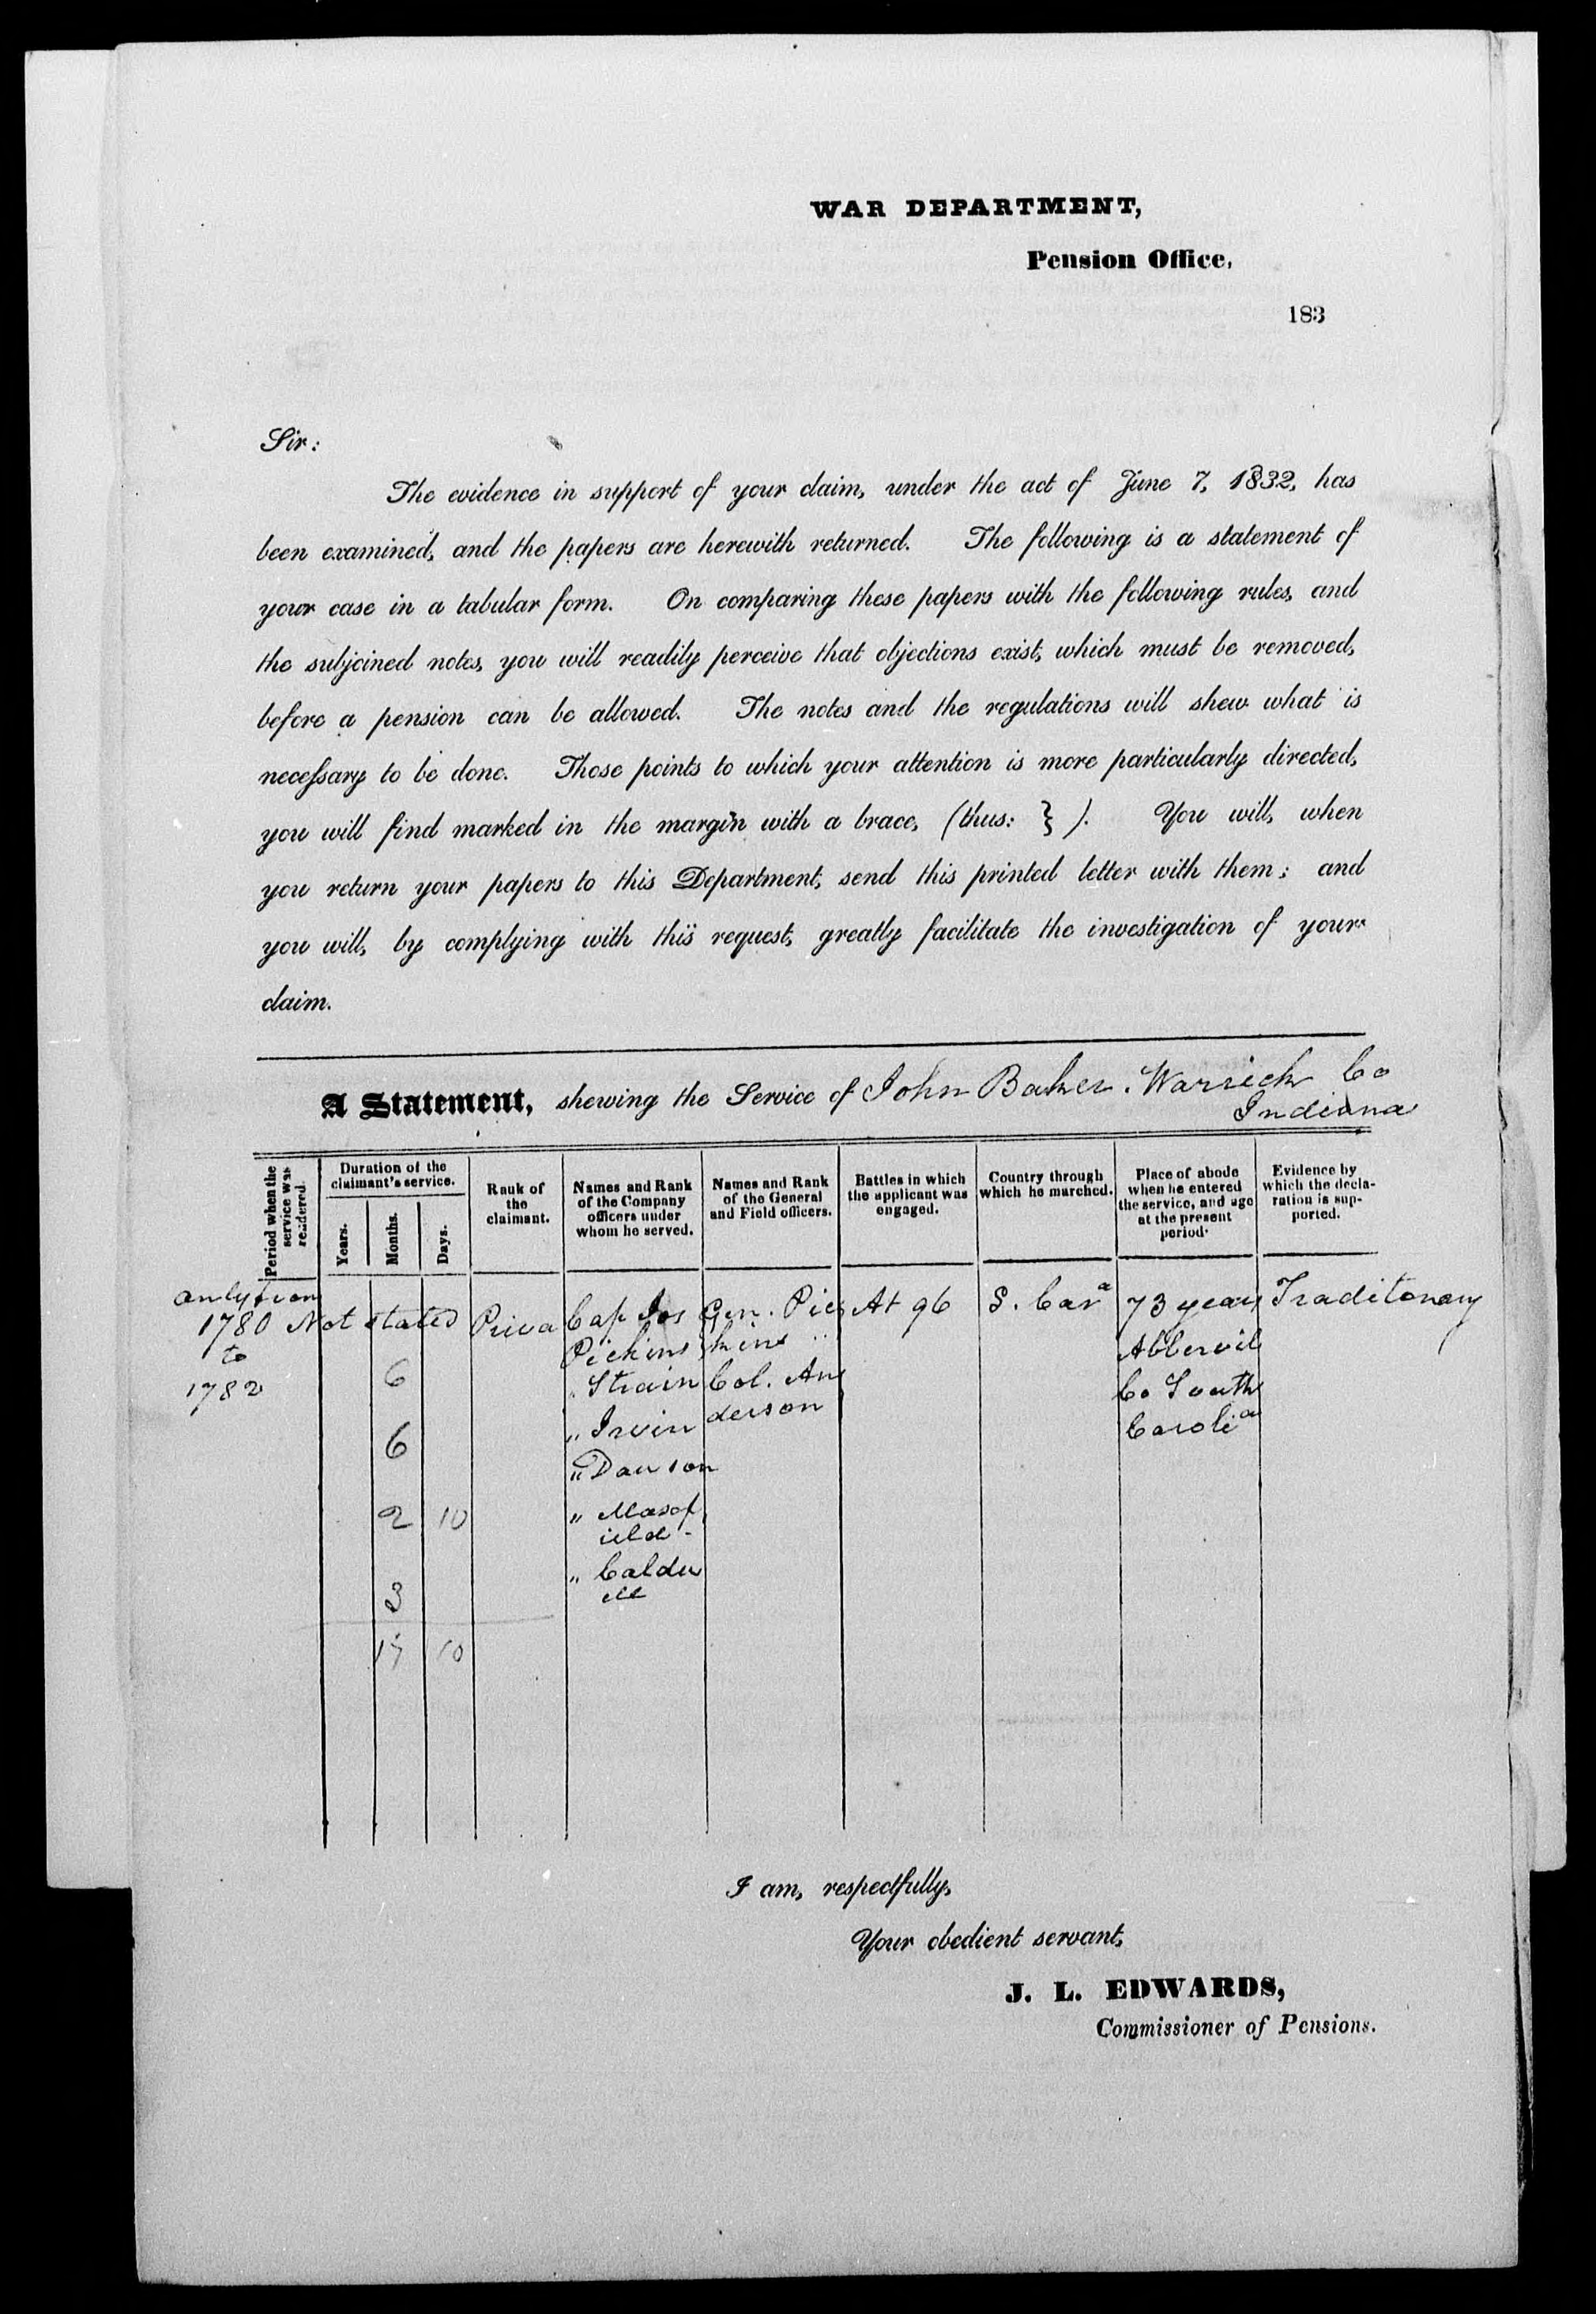WAR DEPARTMENT,
Pension Office,
183
Sir:
The evidence in support of your claim, under the act of June 7, 1832, has been examined, and the papers are herewith returned. The following is a statement of your case in a tabular form. On comparing these papers with the following rules, and the subjoined notes, you will readily perceive that objections exist, which must be removed, before a pension can be allowed. The notes and the regulations will shew what is necessary to be done. Those points to which your attention is more particularly directed, you will find marked in the margin with a brace, (thus: }). You will, when you return your papers to this Department, send this printed letter with them; and you will, by complying with this request, greatly facilitate the investigation of your claim.
A Statement, shewing the Service of John Baker, Warrick Co Indiana
Period when the service will be rendered.
only from 1780 to 1782
Duration of the claimant's service. Years. Months. Days.
Not stated
6 [mos.] 6 [mos.] 2 [mos.] 10 [days] 3 [mos.] [total] 17 [mos.] 10 [days]
Rank of the claimant. Private
Names and Rank of the Company officer under whom he served.
Cap Jos Pickins
" Strain
" Irvin
" Davidson
" Maxfield
" Caldwell
Names and Rank of the General and Field officers.
Gen. Pickins Col. Anderson
Battles in which the applicant was engaged. At 96
Country through which he marched. S. Cara.
Place of abode when he entered the service, and age at the present period. 73 years Abbeville Co South Carolina
Evidence by which the declaration is supported. Traditionary

I am, respectfully,
Your obedient servant,
J. L. EDWARDS,
Commissioner of Pensions.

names: John Baker, Irvin, Dawson, Maxfield, Caldwell, Strain, Anderson, Pickens, Jos, J L Edwards, Pickins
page: 8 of 27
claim: rejected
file: R. 406, John Baker, S.C.